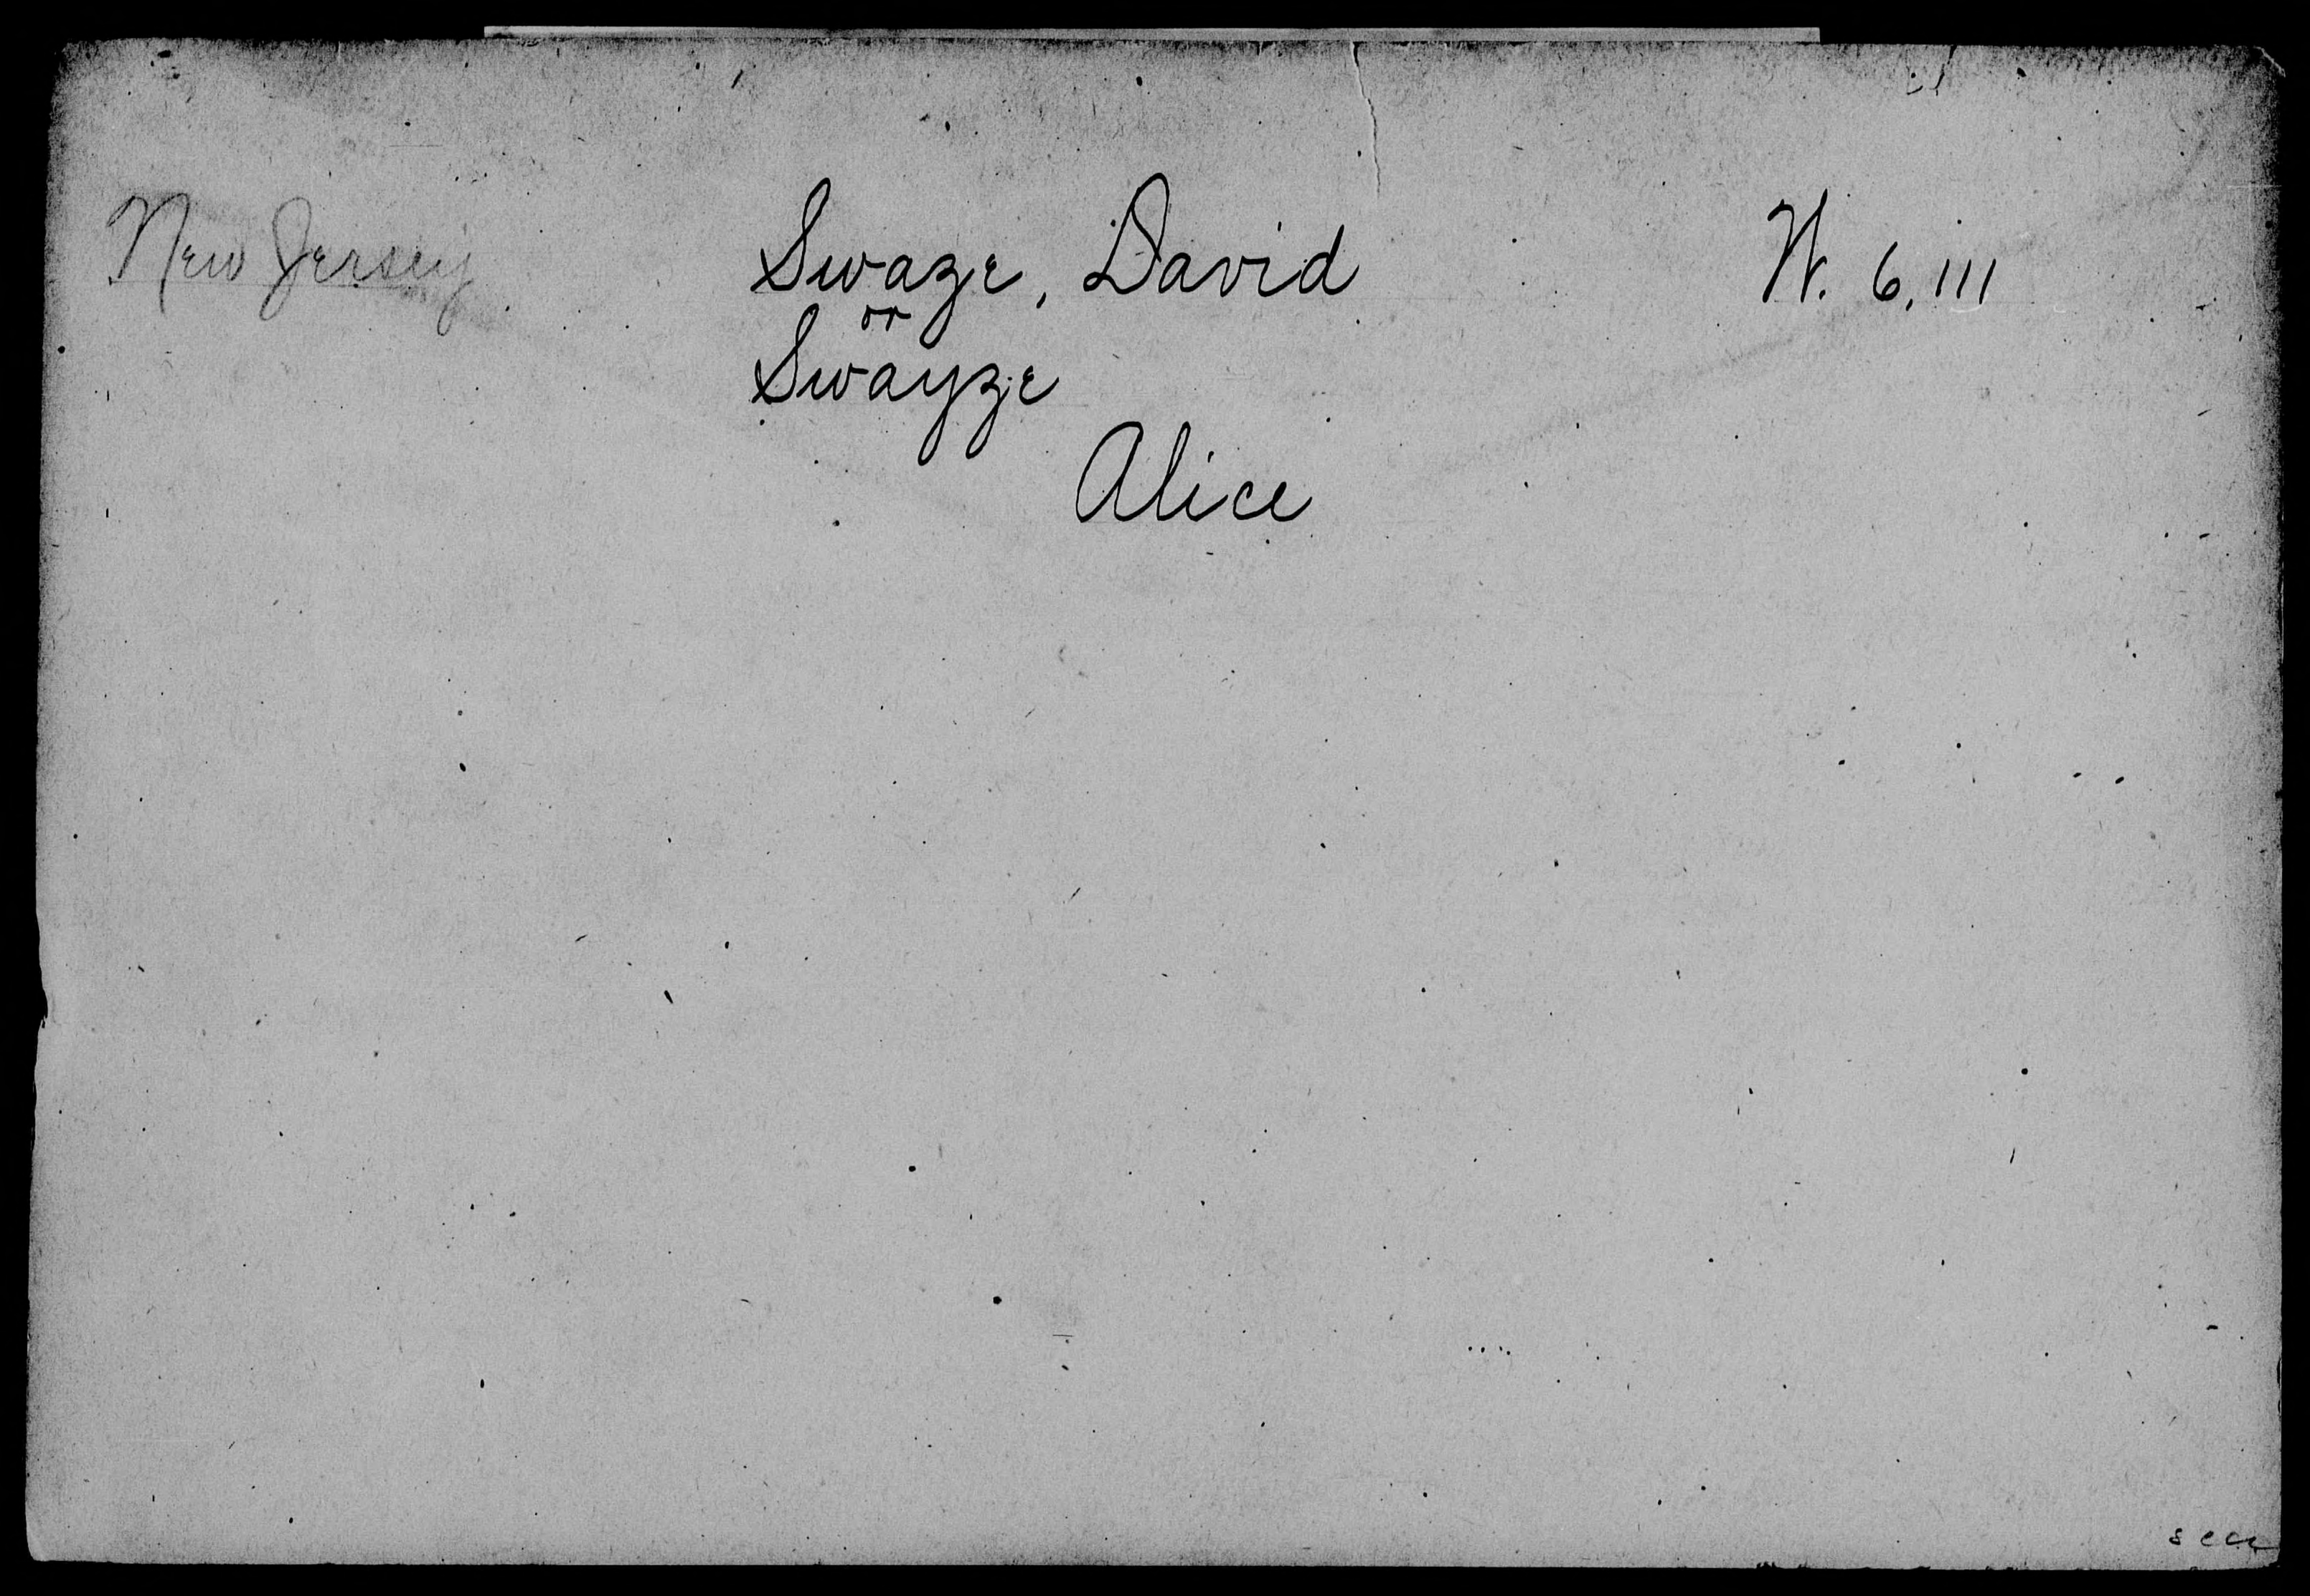New Jersey
Swaze, David
or
Swaze Alice

W. 6,111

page: 1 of 1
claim: widow's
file: W. 6,111, for David Swaze, New Jersey